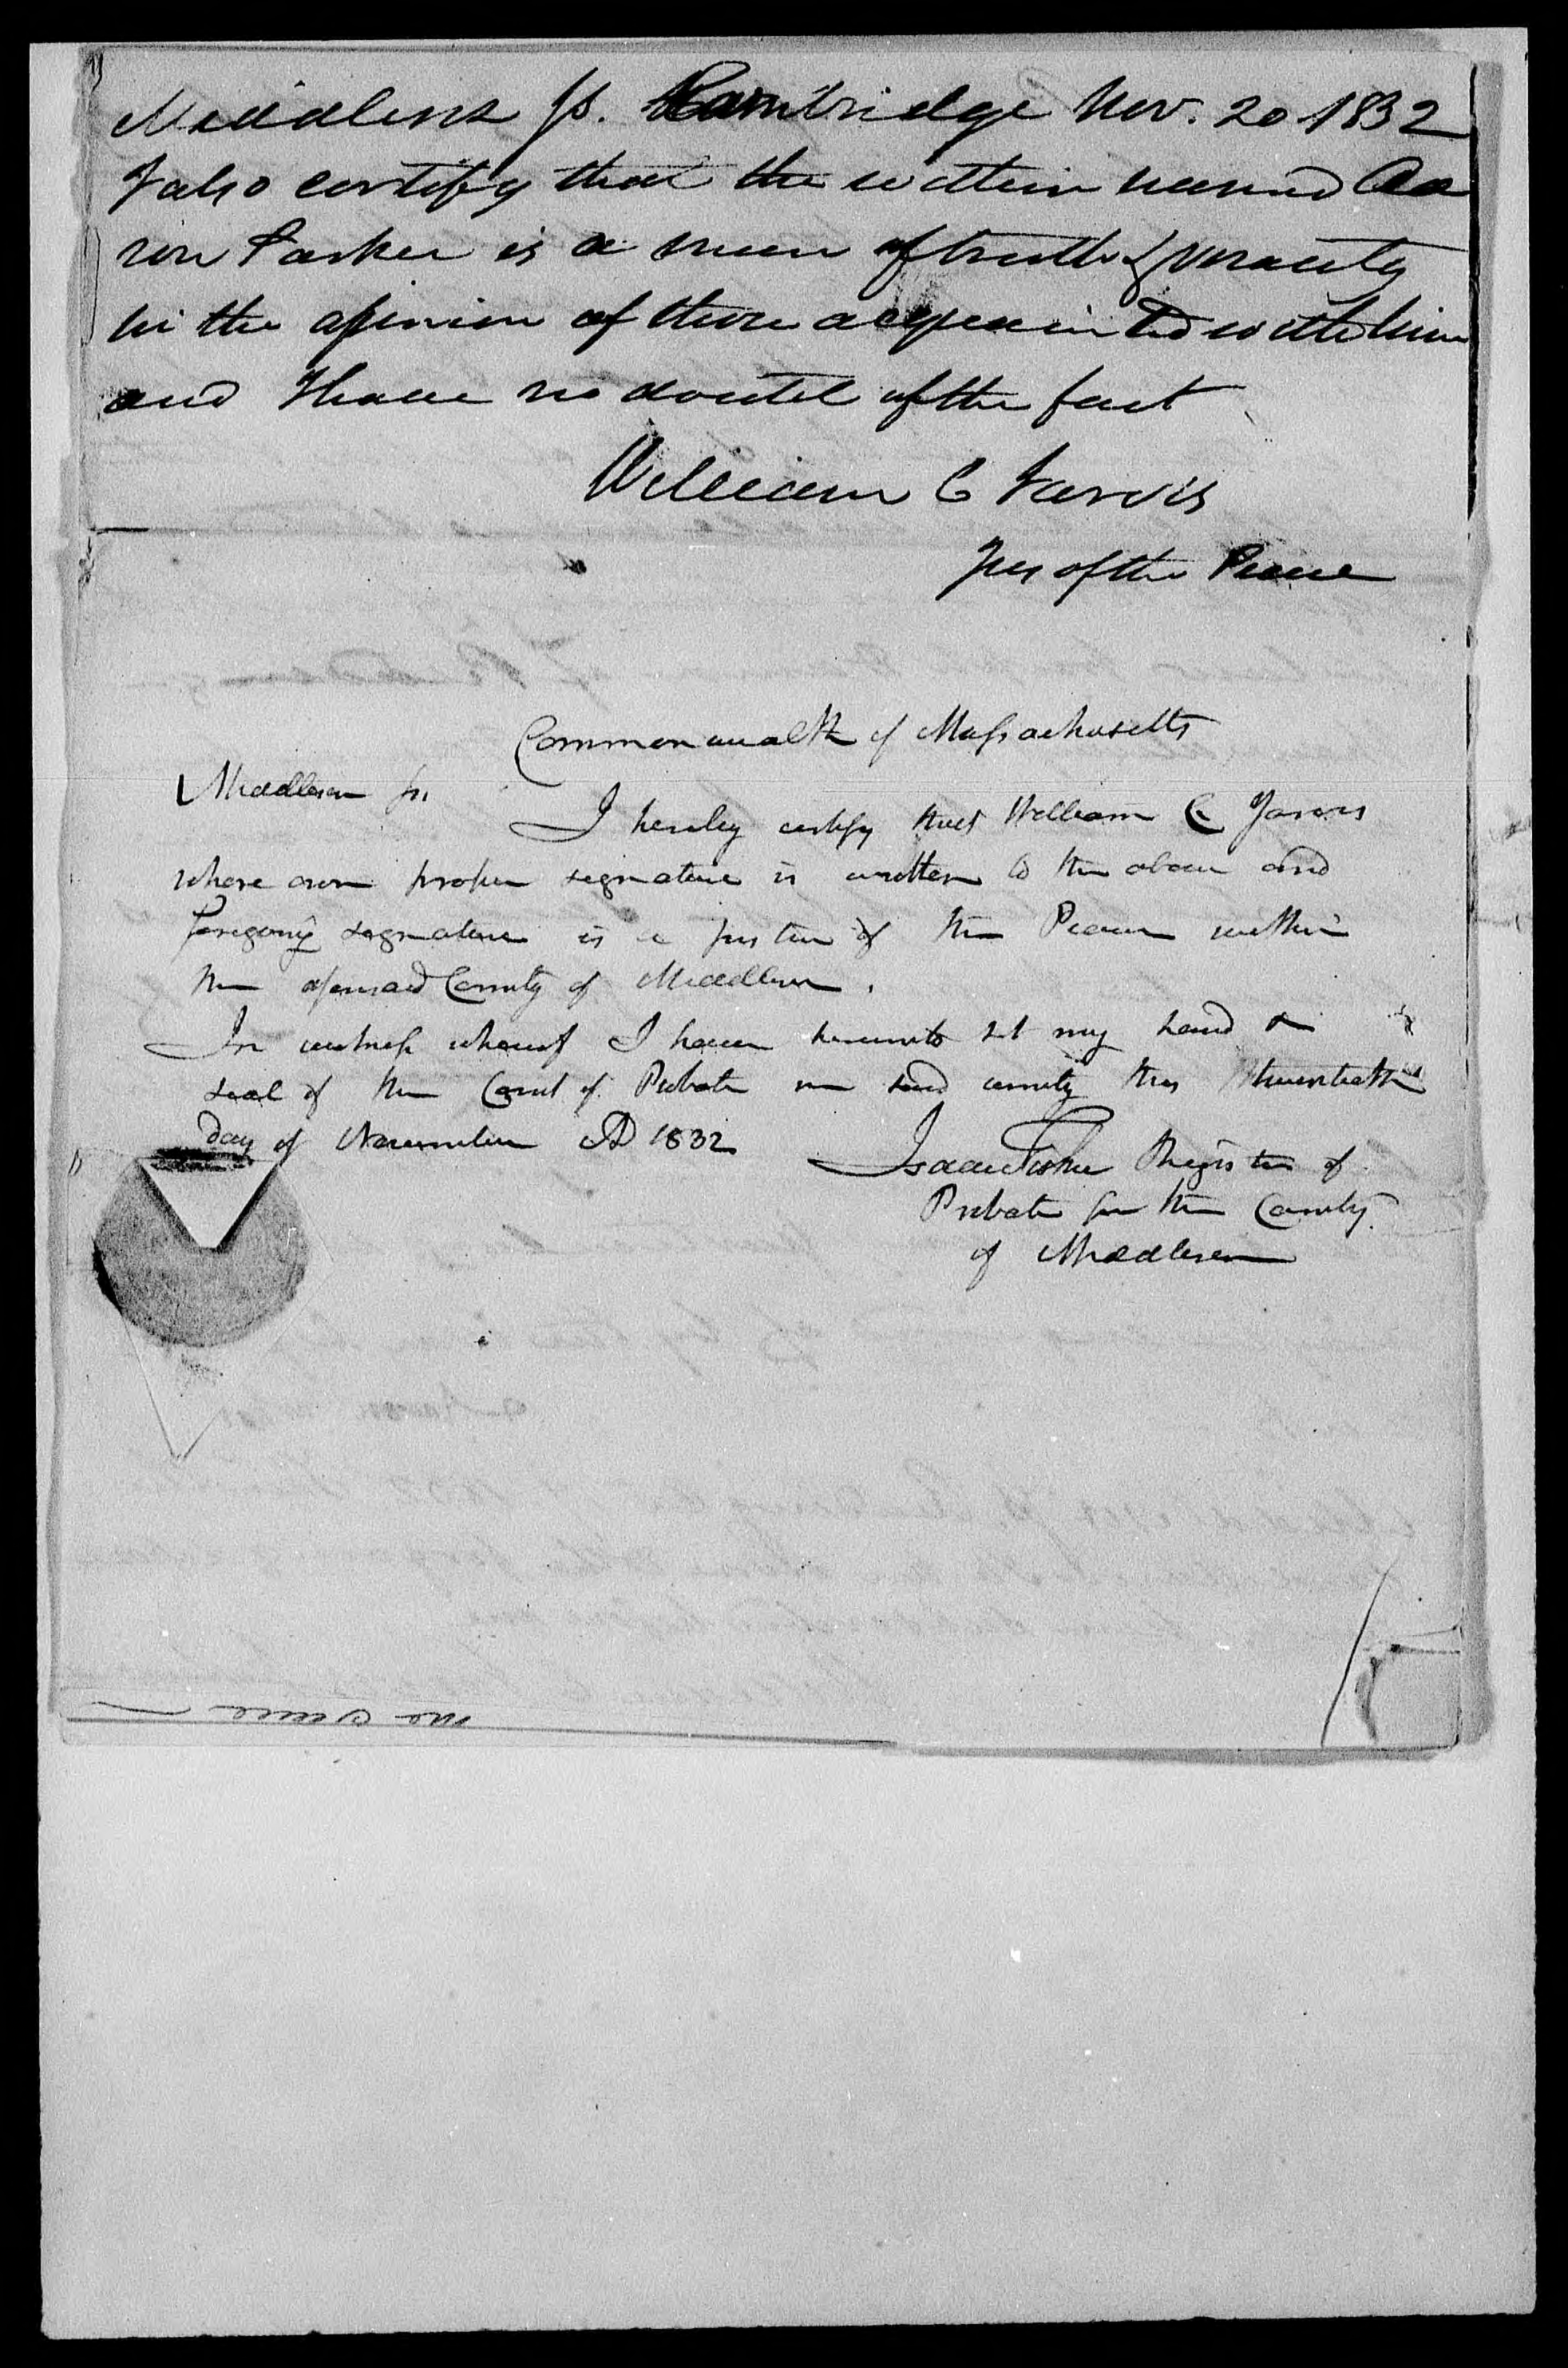Middlesex ss. Cambridge Nov. 20 1832
I also certify that the witness named Aaron Parker is a man of truth & veracity in the opinion of those acquainted with him and I have no doubt of the fact
William C Jarvis
Jus of the Peace

Commonwealth of Massachusetts
Middlesex ss.
I hereby certify that William C Jarvis whose own proper signature in written to the above and foregoing signature is a Justice of the Peace within the aforesaid County of Middlesex.
In witness thereof I have hereunto set my hand & seal of the Court of Probate in said county this twentieth day of November AD 1832
Isaac Fiske Register of 
Probate for the County
of Middlesex 

[Embossed Seal]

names: William C Jarvis, William C Jarvis, Aaron Parker, Isaac Fisher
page: 24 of 28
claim: survivor's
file: S. 17376, Joseph Damon, Continental Mass.